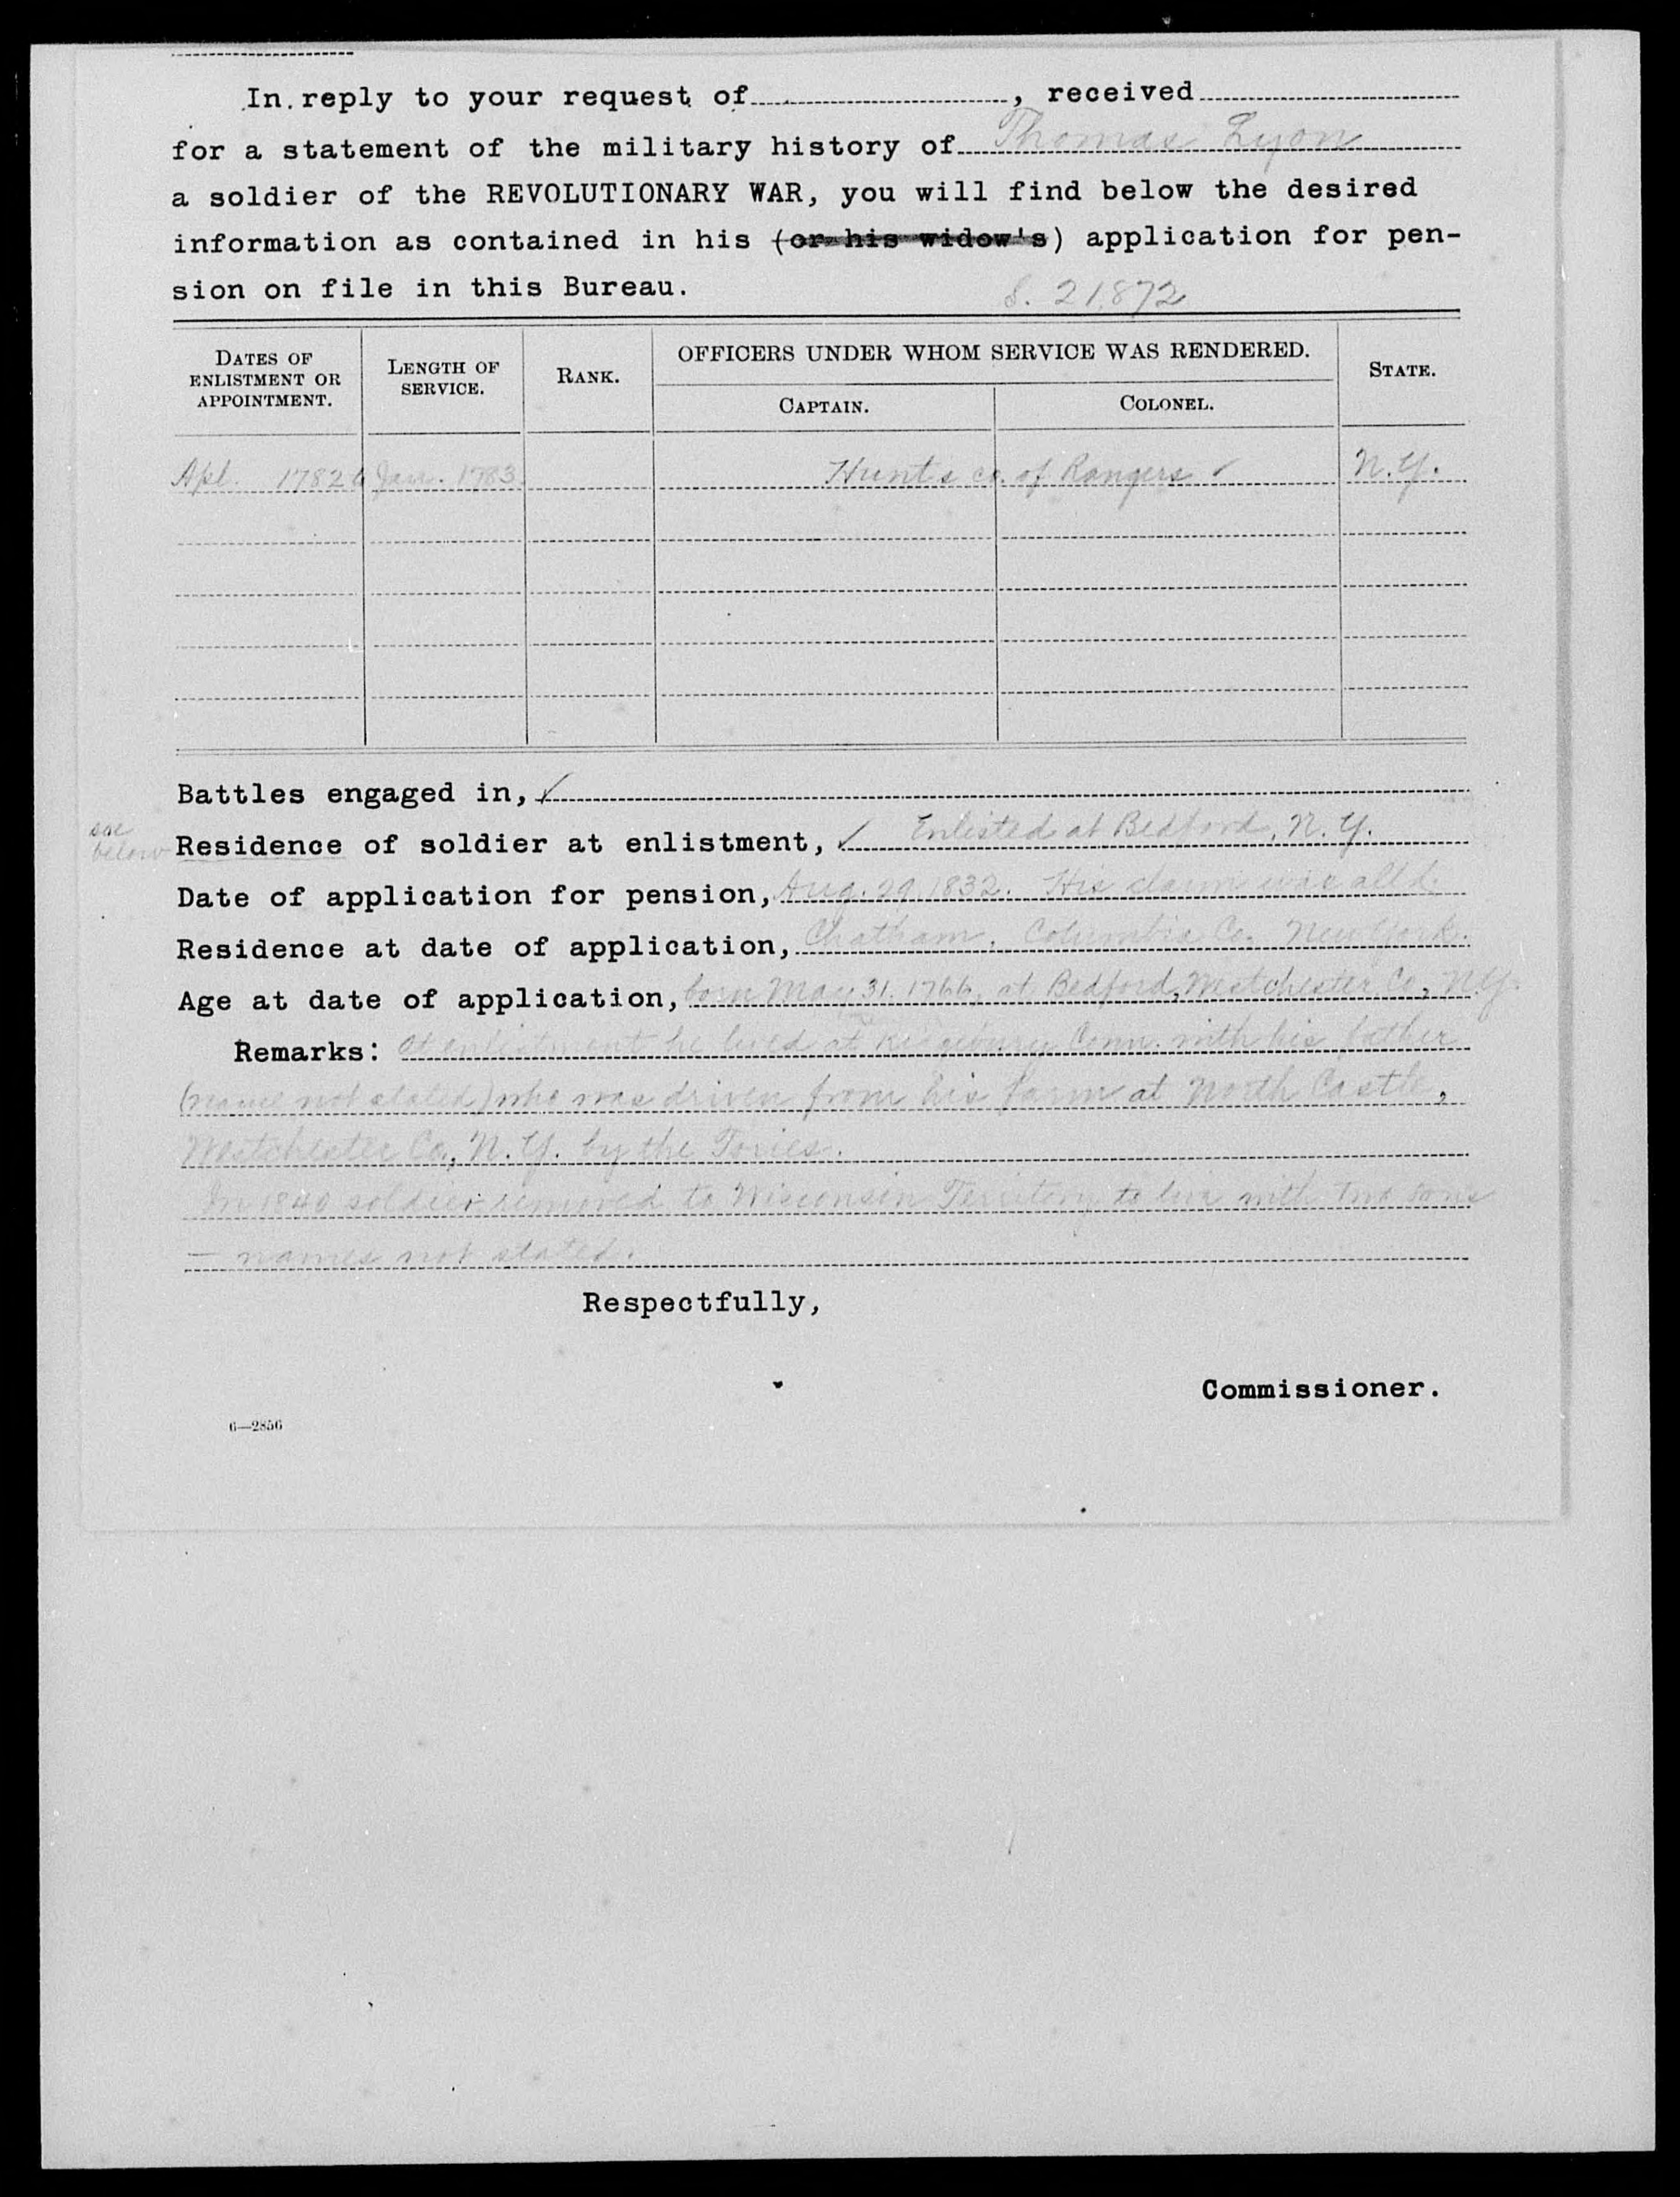In reply to your request of ___, received ___ for a statement of the military history of Thomas Lyon a soldier of the REVOLUTIONARY WAR, you will find below the desired information as contained in his application for pension on file in this Bureau.  S.21872
======
DATES OF
ENLISTMENT OR
APPOINTMENT.
Apl. 1782
-----
LENGTH OF
SERVICE.
Jan. 1783
-----
RANK.
-----
OFFICERS UNDER WHOM SERVICE WAS RENDERED.
CAPTAIN.
COLONEL.
Hunt's Co of Rangers
----
STATE.
N. Y.
----
Battles engaged in, _____
see below Residence of soldier at enlistment, __Enlisted at Bedford, N.Y. __
Date of application for pension, __Aug 29 1832.  The claim was all'd__
Residence at date of application, __Chatham, Columbia Co. New York.__
Age at date of application, __born May 31. 1766 at Bedford, Westchester Co. N.Y.__
Remarks: __at enlistment he lived at Kingsbury Conn. with his father (name not stated) who was driven from his farm at North Castle,
Westchester Co. N. Y. by the Tories.
In 1840 soldier removed to Wisconsin Territory to be with two sons -- names not stated.__

Respectfully,
Commissioner.

11 -- 28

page: 9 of 28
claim: survivor's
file: S. 21,872, for Thomas Lyon, New York